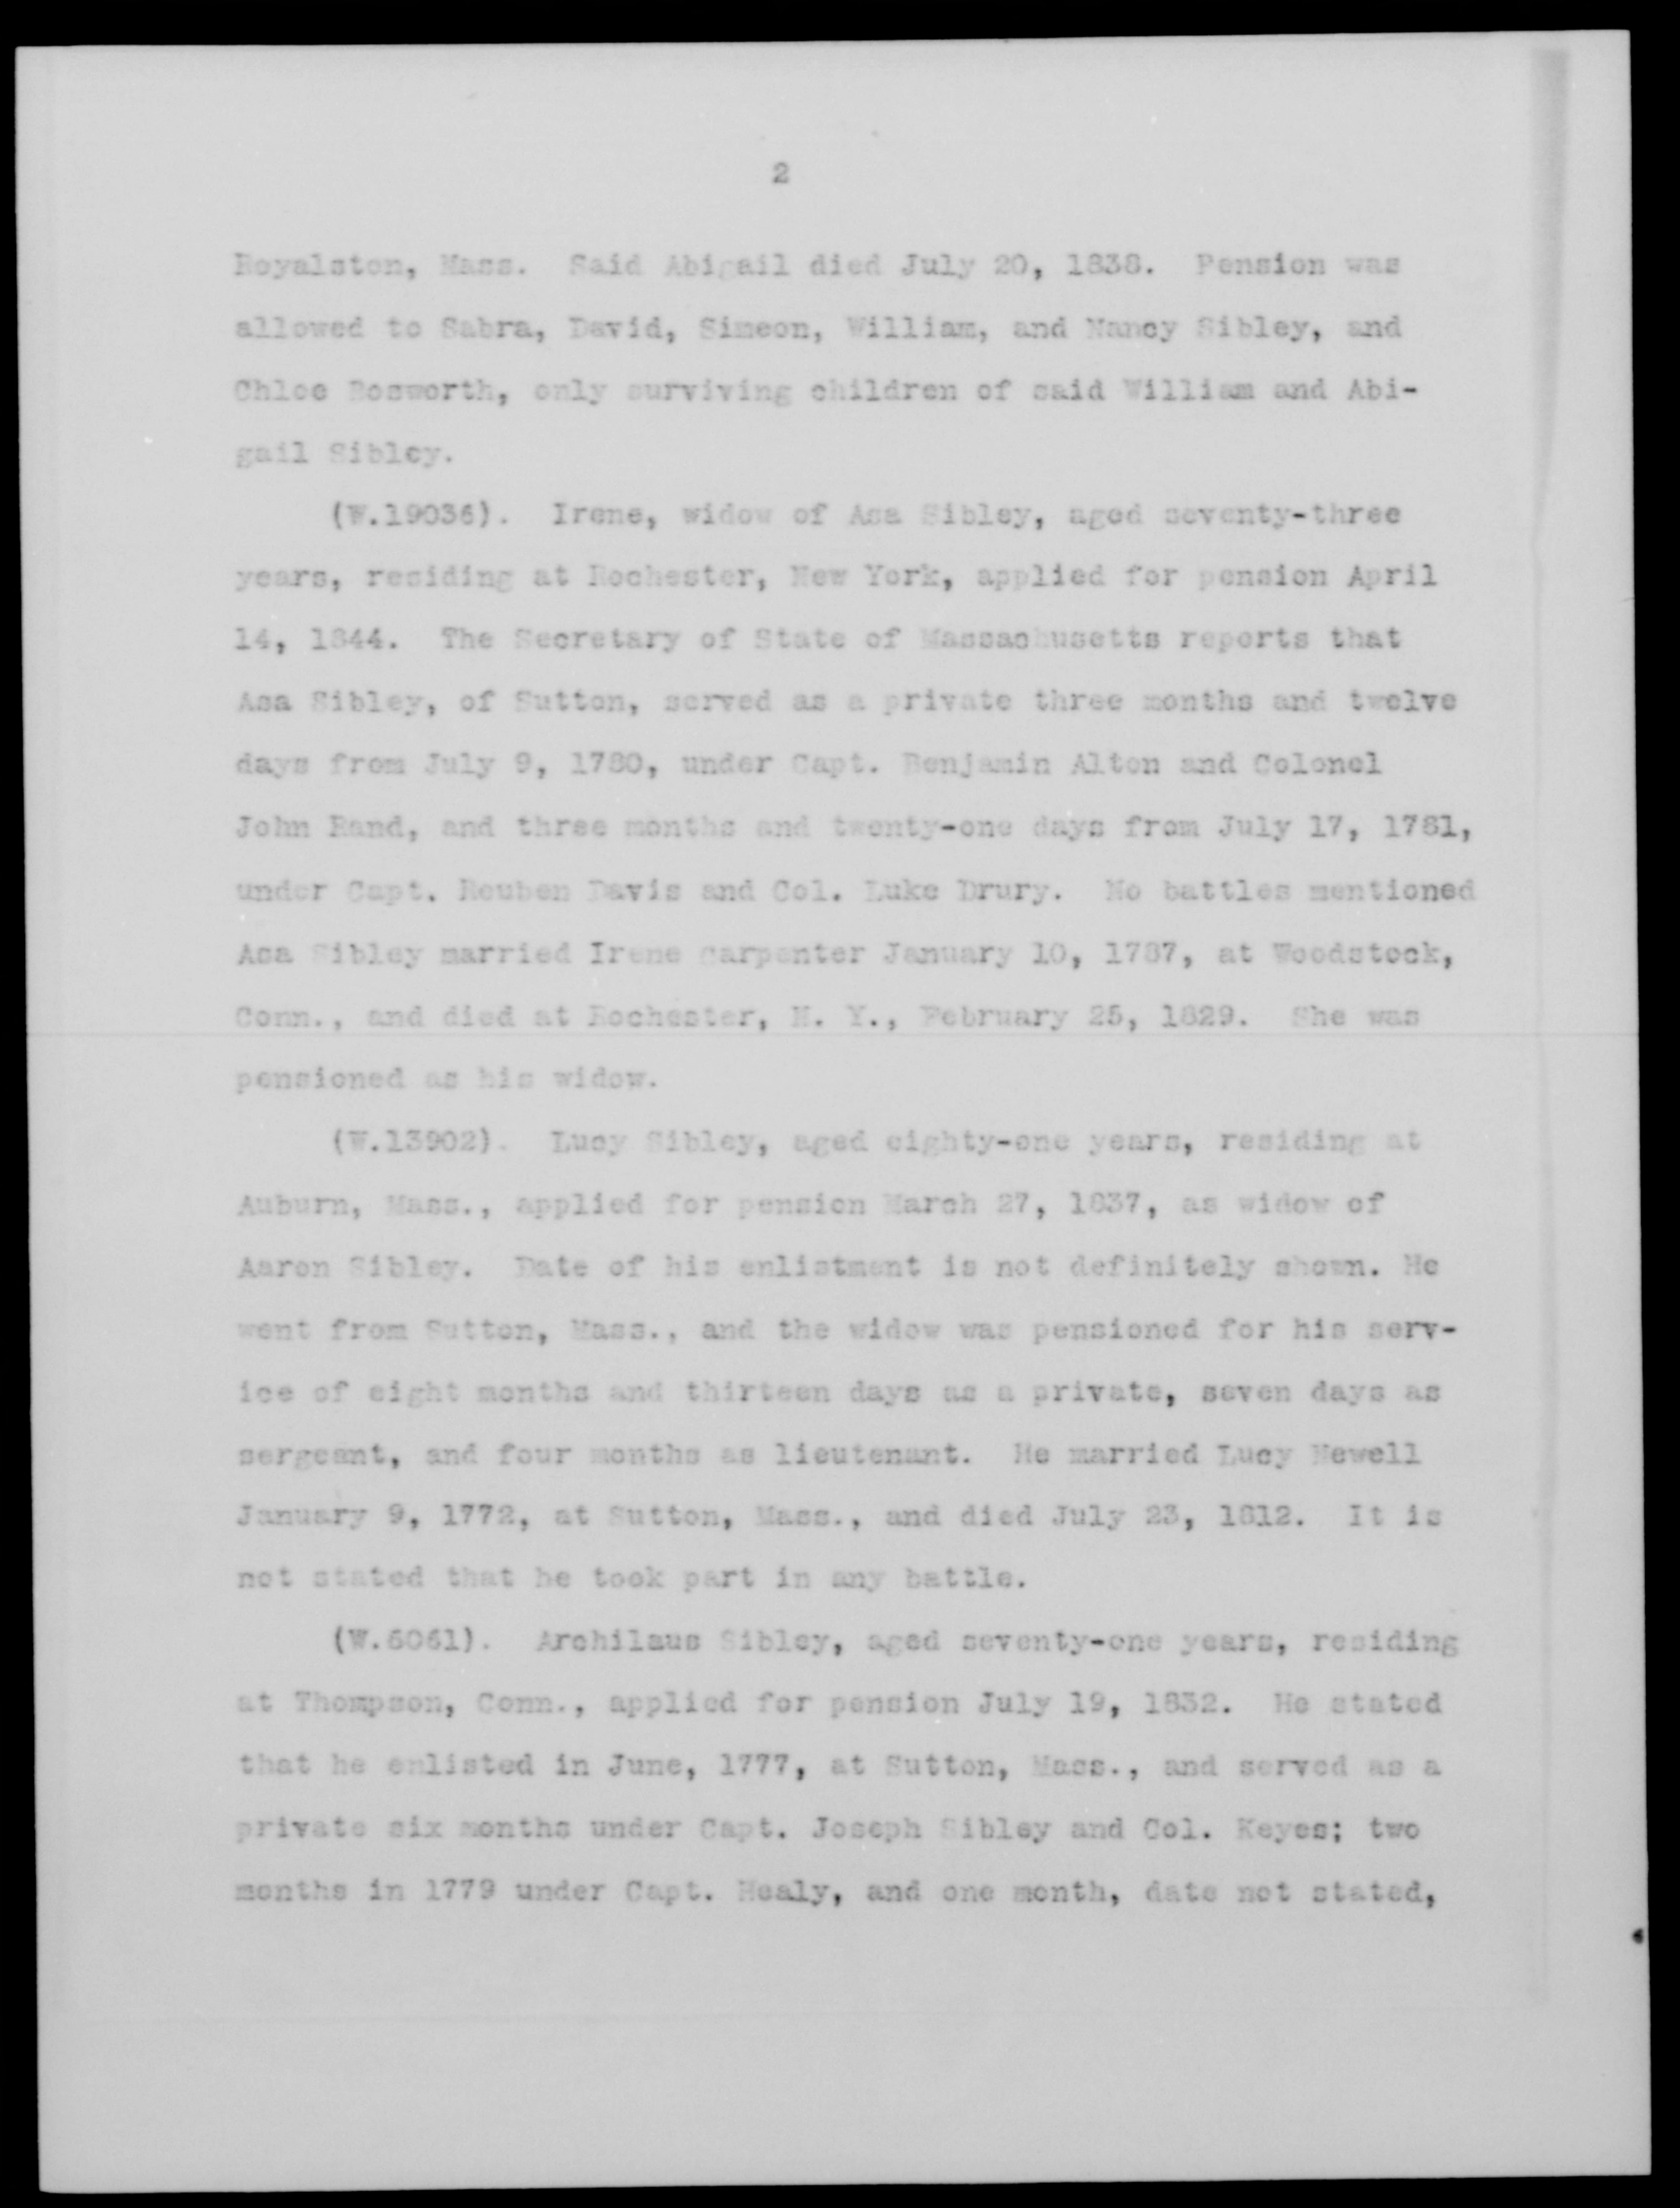Royalston, Mass.  Said Abigail died July 20, 1838.  Pension was allowed to Sabra, David, Simeon, William and Nancy Sibley, and Chloe Bosworth, only surviving children of said William and Abigail Sibley.
(W.19036). Irene, widow of Asa Sibley, aged seventy-three years, residing at Rochester, New York, applied for pension April 14, 1844. The Secretary of State of Massachusetts reports that Asa Sibley, of Sutton, served as a private three months and twelve days from July 9, 1780, under Capt. Benjamin Alton and Colonel John Rand, and three months and twenty-one days from July 17, 1781, under Capt. Reuben Davis and Col. Luke Drury. No battles mentioned Asa Sibley married Irene Carpenter January 10, 1787, at Woodstock, Conn., and died at Rochester, N.Y., February 25, 1829.  She was pensioned as his widow.
(W.13902). Lucy Sibley, aged eighty-one years, residing at Auburn, Mass., applied for pension March 27, 1837, as widow of Aaron Sibley.  Date of his enlistment is not definitely shown.  He went from Sutton, Mass., and the widow was pensioned for his service of eight months and thirteen days as a private, seven days as sergeant, and four months as lieutenant.  He married Lucy Newell January 9, 1772, at Sutton, Mass., and died July 23, 1812.  It is not stated that he took part in any battle.
(W.6061). Archilaus Sibley, aged seventy-one years, residing at Thompson, Conn., applied for pension July 19, 1832.  He stated that he enlisted in June, 1777, at Sutton, Mass., and served as a private six months under Capt. Joseph Sibley and Col. Keyes; two months in 1779 under Capt. Healy, and one month, date not stated,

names: Chloe Bosworth; Irene Carpenter; Abigail [BLANK]; Lucy Sibley; Asa Sibley; Sabra Sibley; Benjamin Alton; Joseph Sibley; Irene Sibley; Luke Drury; David Sibley; Nancy Sibley; Lucy Newell; Asa Sibley; Asa Sibley; William Sibley; Aaron Sibley; Reuben Davis; [BLANK] Keyes; Abigail Sibley; Archilaus Sibley; Simeon Sibley; John Rand; William Sibley; [BLANK] Healy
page: 23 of 24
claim: widow's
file: W. 15,338, for William Sibley, Massachusetts